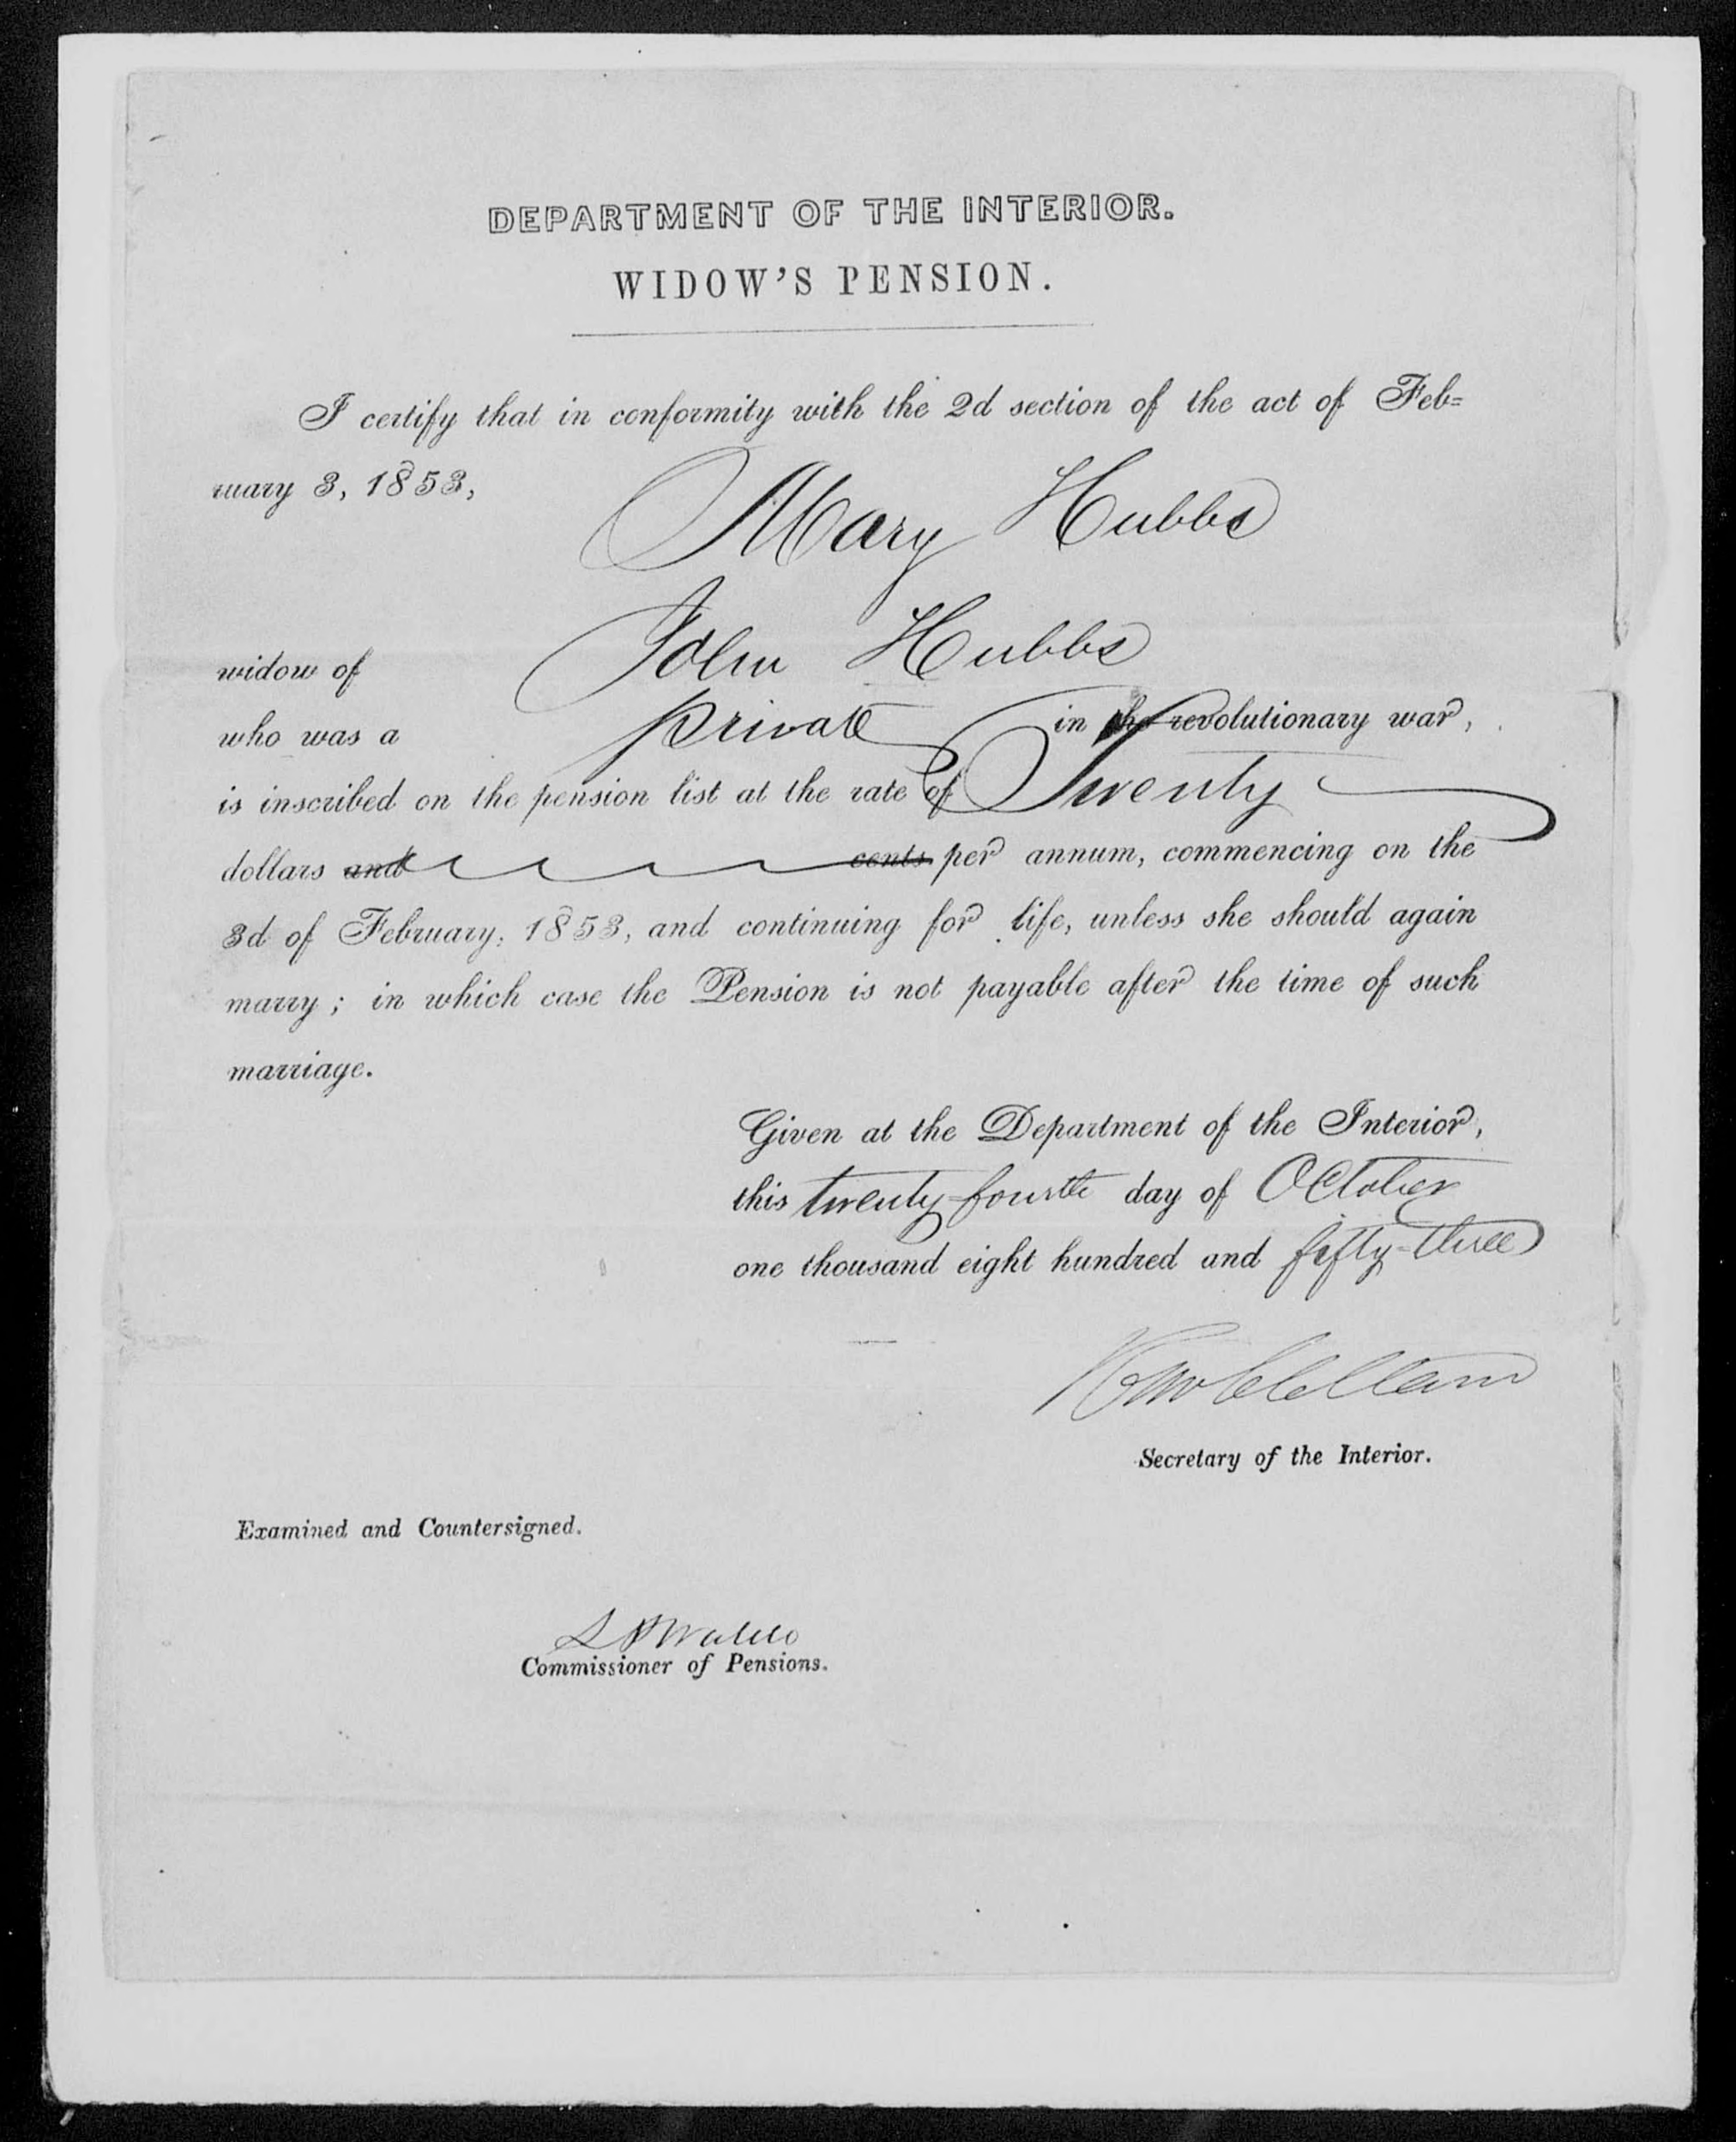DEPARTMENT OF THE INTERIOR.
WIDOW'S PENSION.

I certify that in conformity with the 2d section of the  act of February 3, 1853,

Mary Hubbs

widow of John Hubbs
who was a private  in the revolutionary war,
is inscribed on the pension list at the rate of Twenty
dollars per annum, commencing on the
3rd of February, 1853, continuing for life, unless she should again
marry; in which case the Pension is not payable after the time of such marriage.

Given at the Department of the Interior
this 24th day of October
one thousand eight hundred and fifty - three.

R M Clelland [signature]
Secretary of the Interior.

Examined and Countersigned
L P Waldo [signature]
Commissioner of Pensions.

[Cancelled is stamped across the document]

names: Mary Hubbs, R M Clelland, L P Waldo, John Hubbs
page: 29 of 86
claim: widow's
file: W. 1035, John Hubbs, S.C.